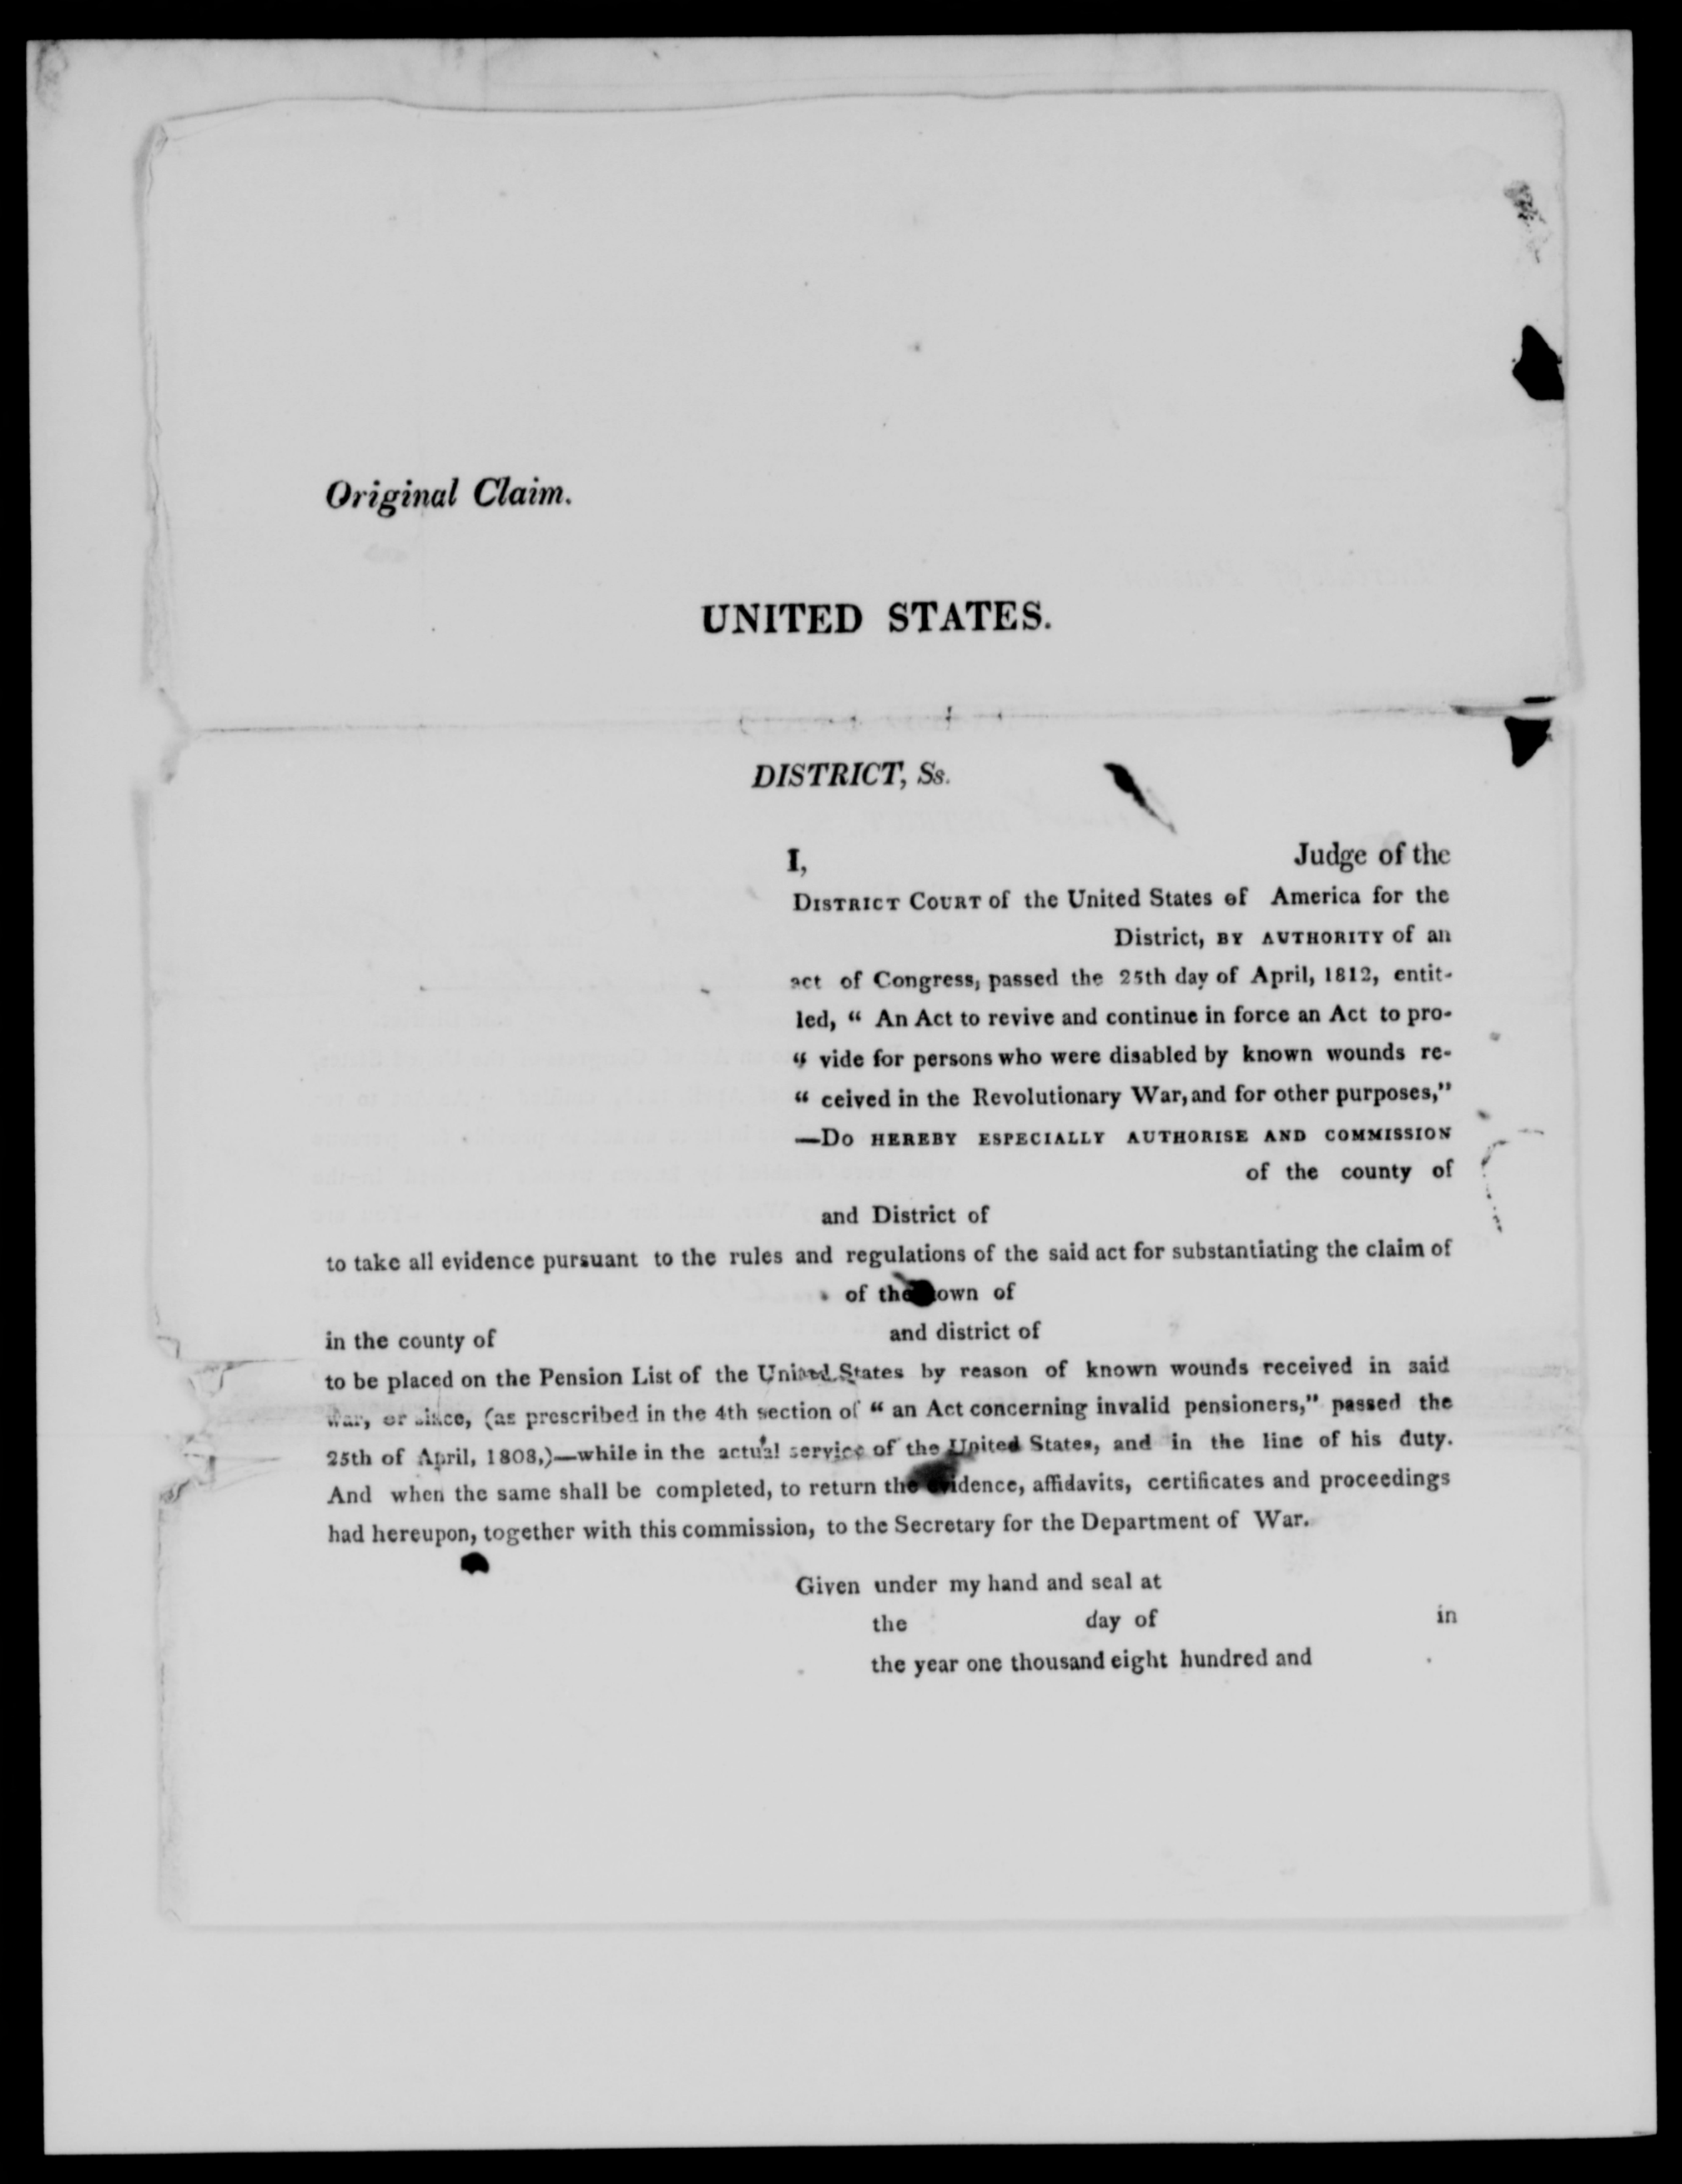Original Claim
UNITED STATES

DISTRICT, Ss
I...................................Judge of the District Court of the United States of America for the ...................District, by Authority of an act of Congress passed the 25th day of April, 1812, entitled, "an Act of revive and continue in force an Act to provide for persons who were disabled by known wounds received in the Revolutionary War, and for other purposes" Do Hereby Especially Authorise and Commission ........................of the county of and District of ......to take all evidence pursuant to the rules and regulations of the said act for substantiating the claim of..............of the town of ...................in the county of ................and district of......................to be placed on the Pension List of the United States by reason of known wounds received in said War or since, (as prescribed in the 4th section of "an Act concerning invalid pensioner," passed the 25th April, 1808)-while in the actual service of the United States, and in the line of his duty. And when the same shall be completed, to return the evidence, affidavits, certificates and proceedings had hereupon, together with this commission, to the Secretary for the Department of War.
Given under my hand and seal at..................the ......day of .............in the year one thousand eight hundred and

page: 33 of 79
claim: survivor's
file: S. 11759, Samuel White, Mass.